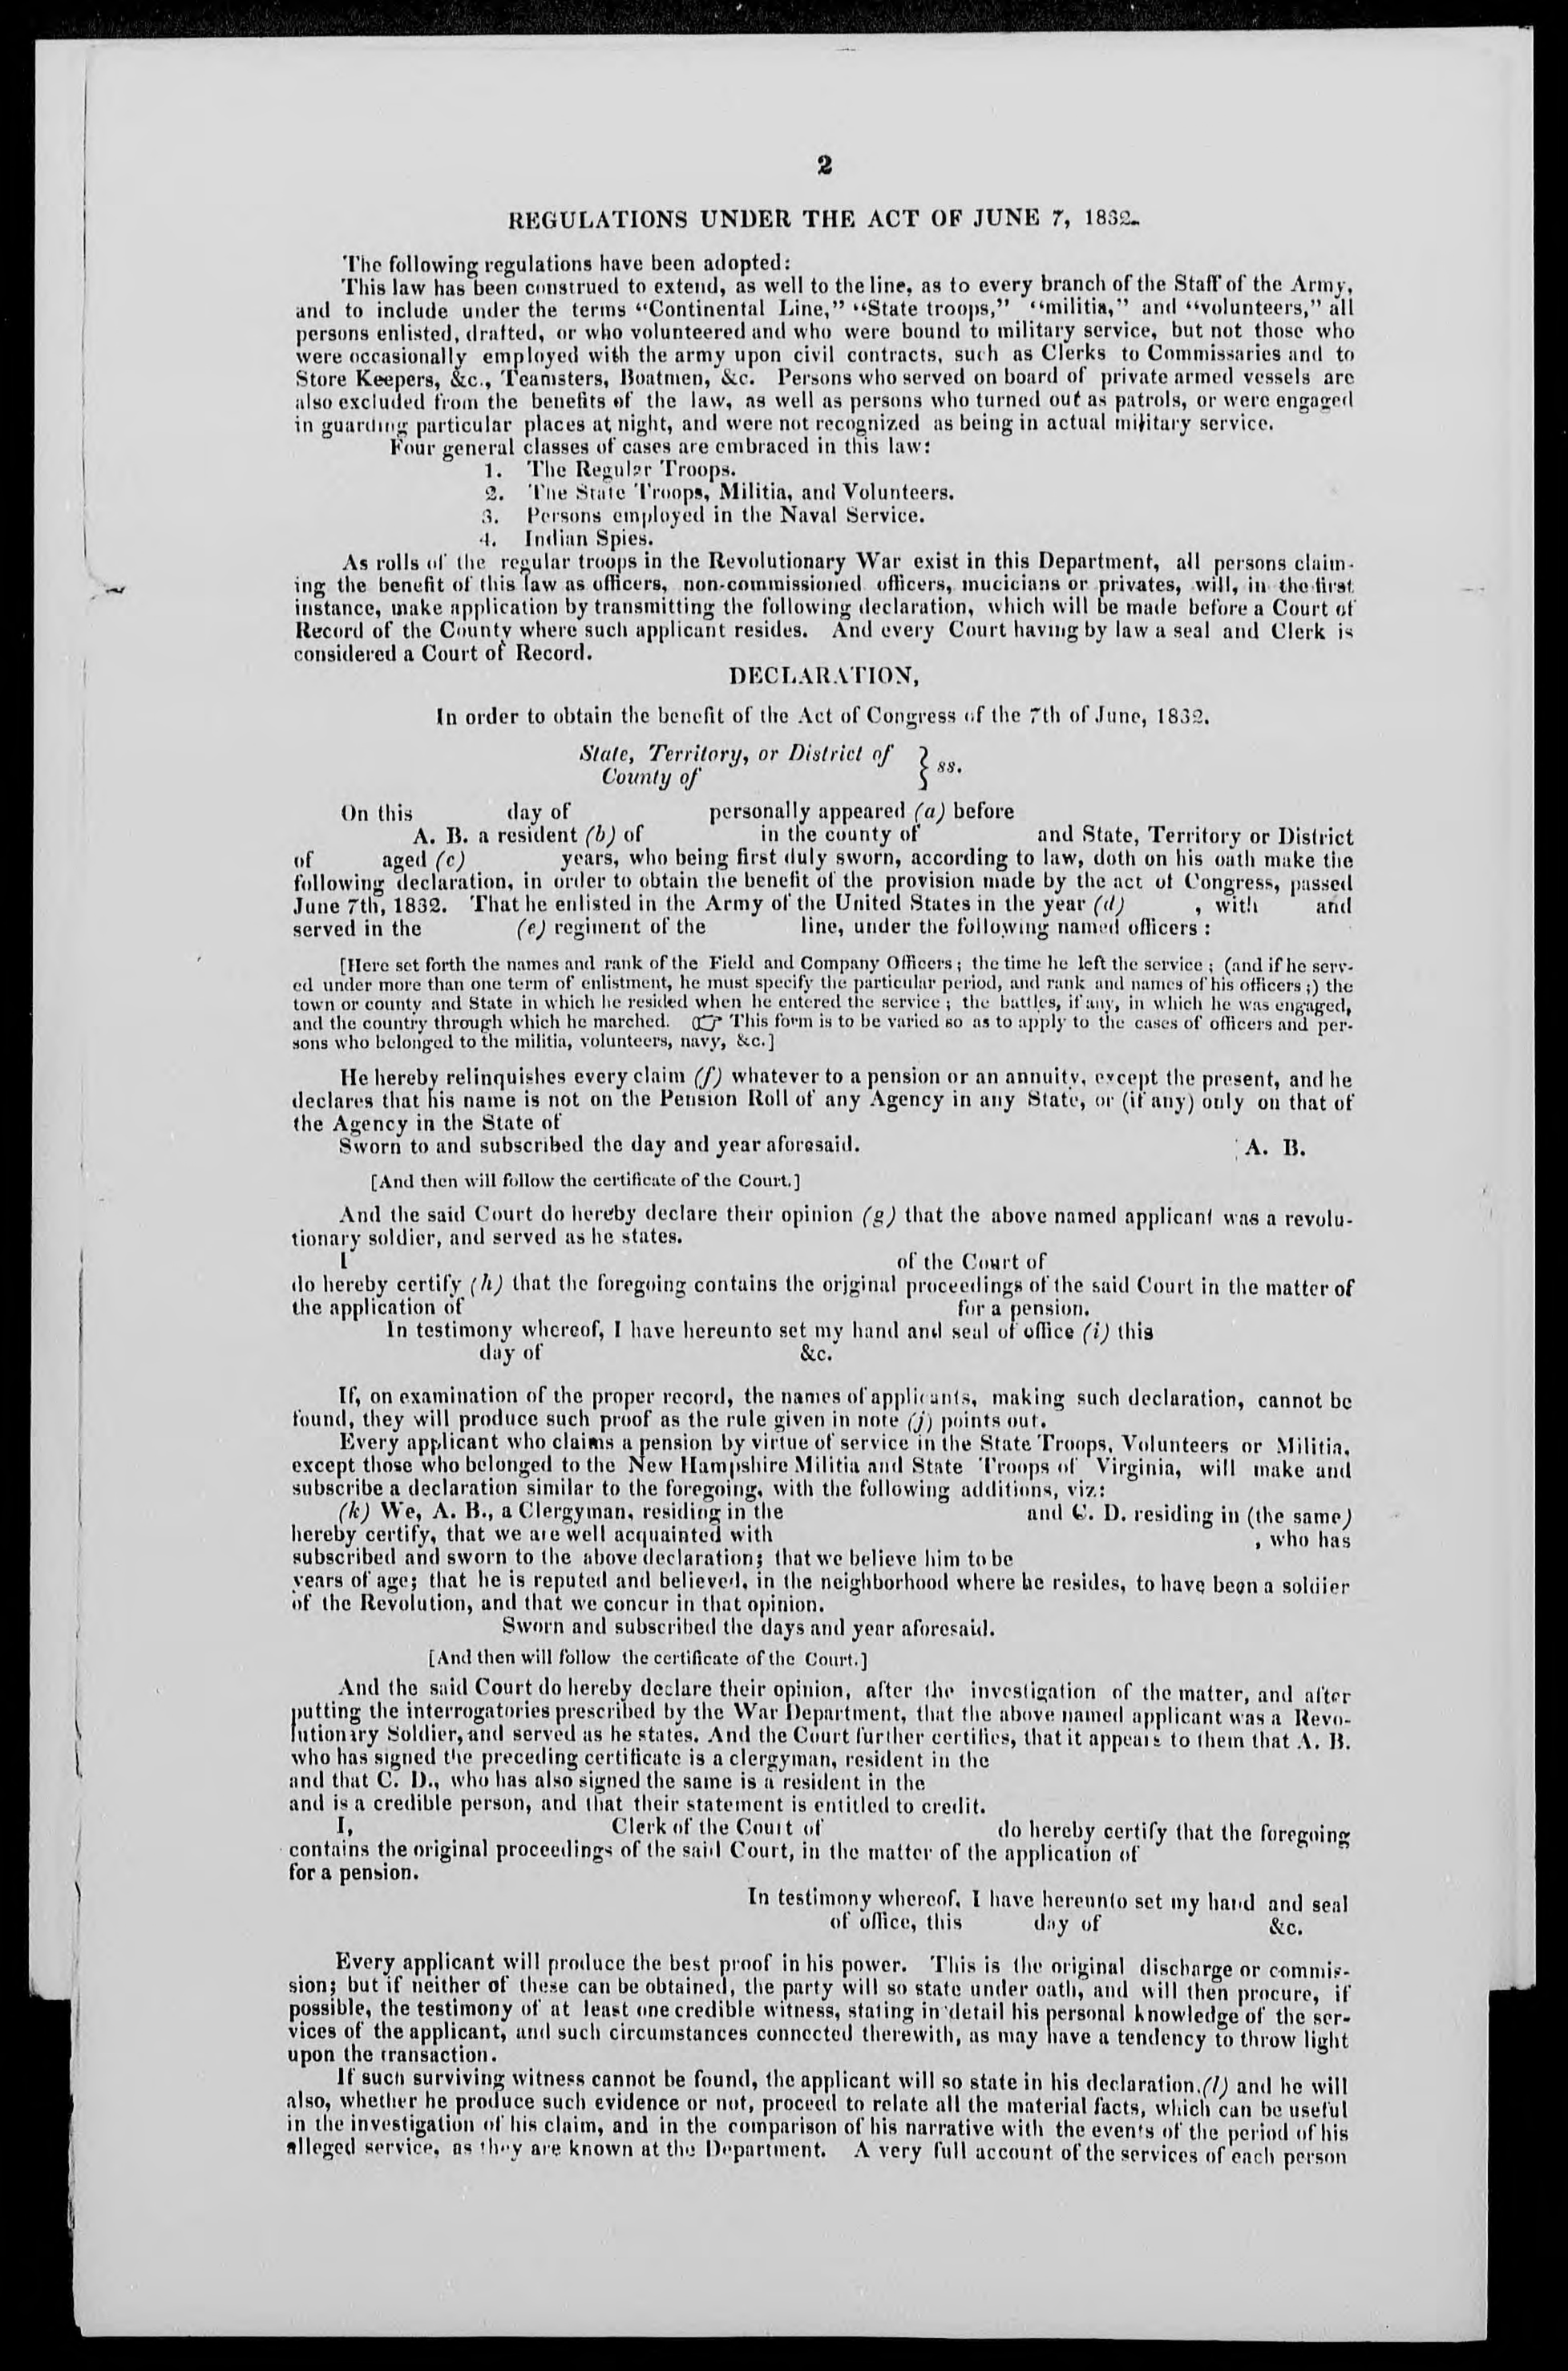2
REGULATIONS UNDER THE ACT OF JUNE 7, 1832
The following regulations have been adopted:
This law has been construed to extend, as well to the line, as to every branch of the Staff of the Army, and to include under the terms "Continental Line," "State troops," "militia," and "volunteers," all of persons enlisted, drafted, or who volunteered and who were bound to military service, but not those who were occasionally employed with the army upon civil contracts, such as Clerks to Commissaries and to Store Keepers, &c., Teamsters, Boatmen, &c. Persons who served on board of private armed vessels are also excluded from the benefits of the law, as well as person who turned out as patrols, or were engaged in guarding particular places at night, and were not recognized as being in actual military service.
Four general classes of cases are embraced in this law:
1. The Regular Troops
2. The State Troops, Militia, and Volunteers
3. Persons employed in the Naval Service
4. Indian Spies
As rolls of the regular troops in the Revolutionary War exist in this Department, all persons claiming the benefit of this law as officer, non-commissioned officers, mucicians or privates, will, in the first instance, make application by transmitting the following declaration, which will be made before a Court of record in the County where such applicant resides. And every Court having by law a seal and Clerk is considered a Court of record. 
DECLARATION
State, territory, or District of
County of                                } ss.
On this     day of     personally appeared (a) before      A. B. a resident (b) of      in the county of     and State, Territory or District of       aged (c)     years, who being first duly sworn according to law, doth on his oath make the following declaration, in order to obtain the provision made by the act of Congress, passed June 7th, 1832. That he enlisted in the Army of the United States in the year (d)     , with     and served in the    (e) regiment of the      line, under the following named officers:
[Here set forth the names and tank of the Field and Company Officers; the time he left the service; (and if he served under more than one term of enlistment, he must specify the particular period, and rank and names of his officers) the town or country and State in which he resided when he entered the service; the battles, if any, in which he was engaged, and the country through which he marched. -> This form is to be varied so as to apply to the cases of officers and persons who belonged to the militia, volunteers, navy, &c.]
He hereby relinquishes every claim (f) whatever to a pension or annuity except the present, and he declares that his name is not on the Pension Roll of any Agency in any State, or (if any) only on that of the Agency in the State of
Sworn and subscribed the say and year aforesaid.                        A. B.
[And then will follow the certificate of the Court.]
And the said Court do hereby declare their opinion, after the investigation of the matter, and after putting the interrogatories prescribed by the War Department, that the above named applicant was a Revolutionary Soldier, and served as he states. And the Court further certifies, that it appears to them that A. B. and that C. D., who has also signed the same is a resident in the       and is a credible person, and that their statement is entitled to credit.
I,       Clerk of the Court of     do hereby certify that the foregoing contains the original proceedings of the said Court, in the matter of the application of        for a pension.
In testimony whereof, I have hereunto set my hand and seal of office, this     day of      &c.
Every applicant will produce the best proof in his power. This is the original discharge or commission; but if neither of these can be obtained, the party will so state under oath, and will then procure, if possible, the testimony of at least one credible witness, stating in detail his personal knowledge of the services of the applicant, and such circumstances therewith, as may have a tendency to throw light upon the transaction.
If such surviving witness cannot be found, the applicant will so state in his declaration, (l) and he will also, whether he produce such evidence or not, proceed to relate all the material facts, which can be useful in the investigation of his claim, and in the comparison of his narrative with the events of the period of his alleged service, as they are known at the Department. A very full account of the services of each person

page: 9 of 14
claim: survivor's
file: S. 10389, Samuel Blanden, Conn. Mass